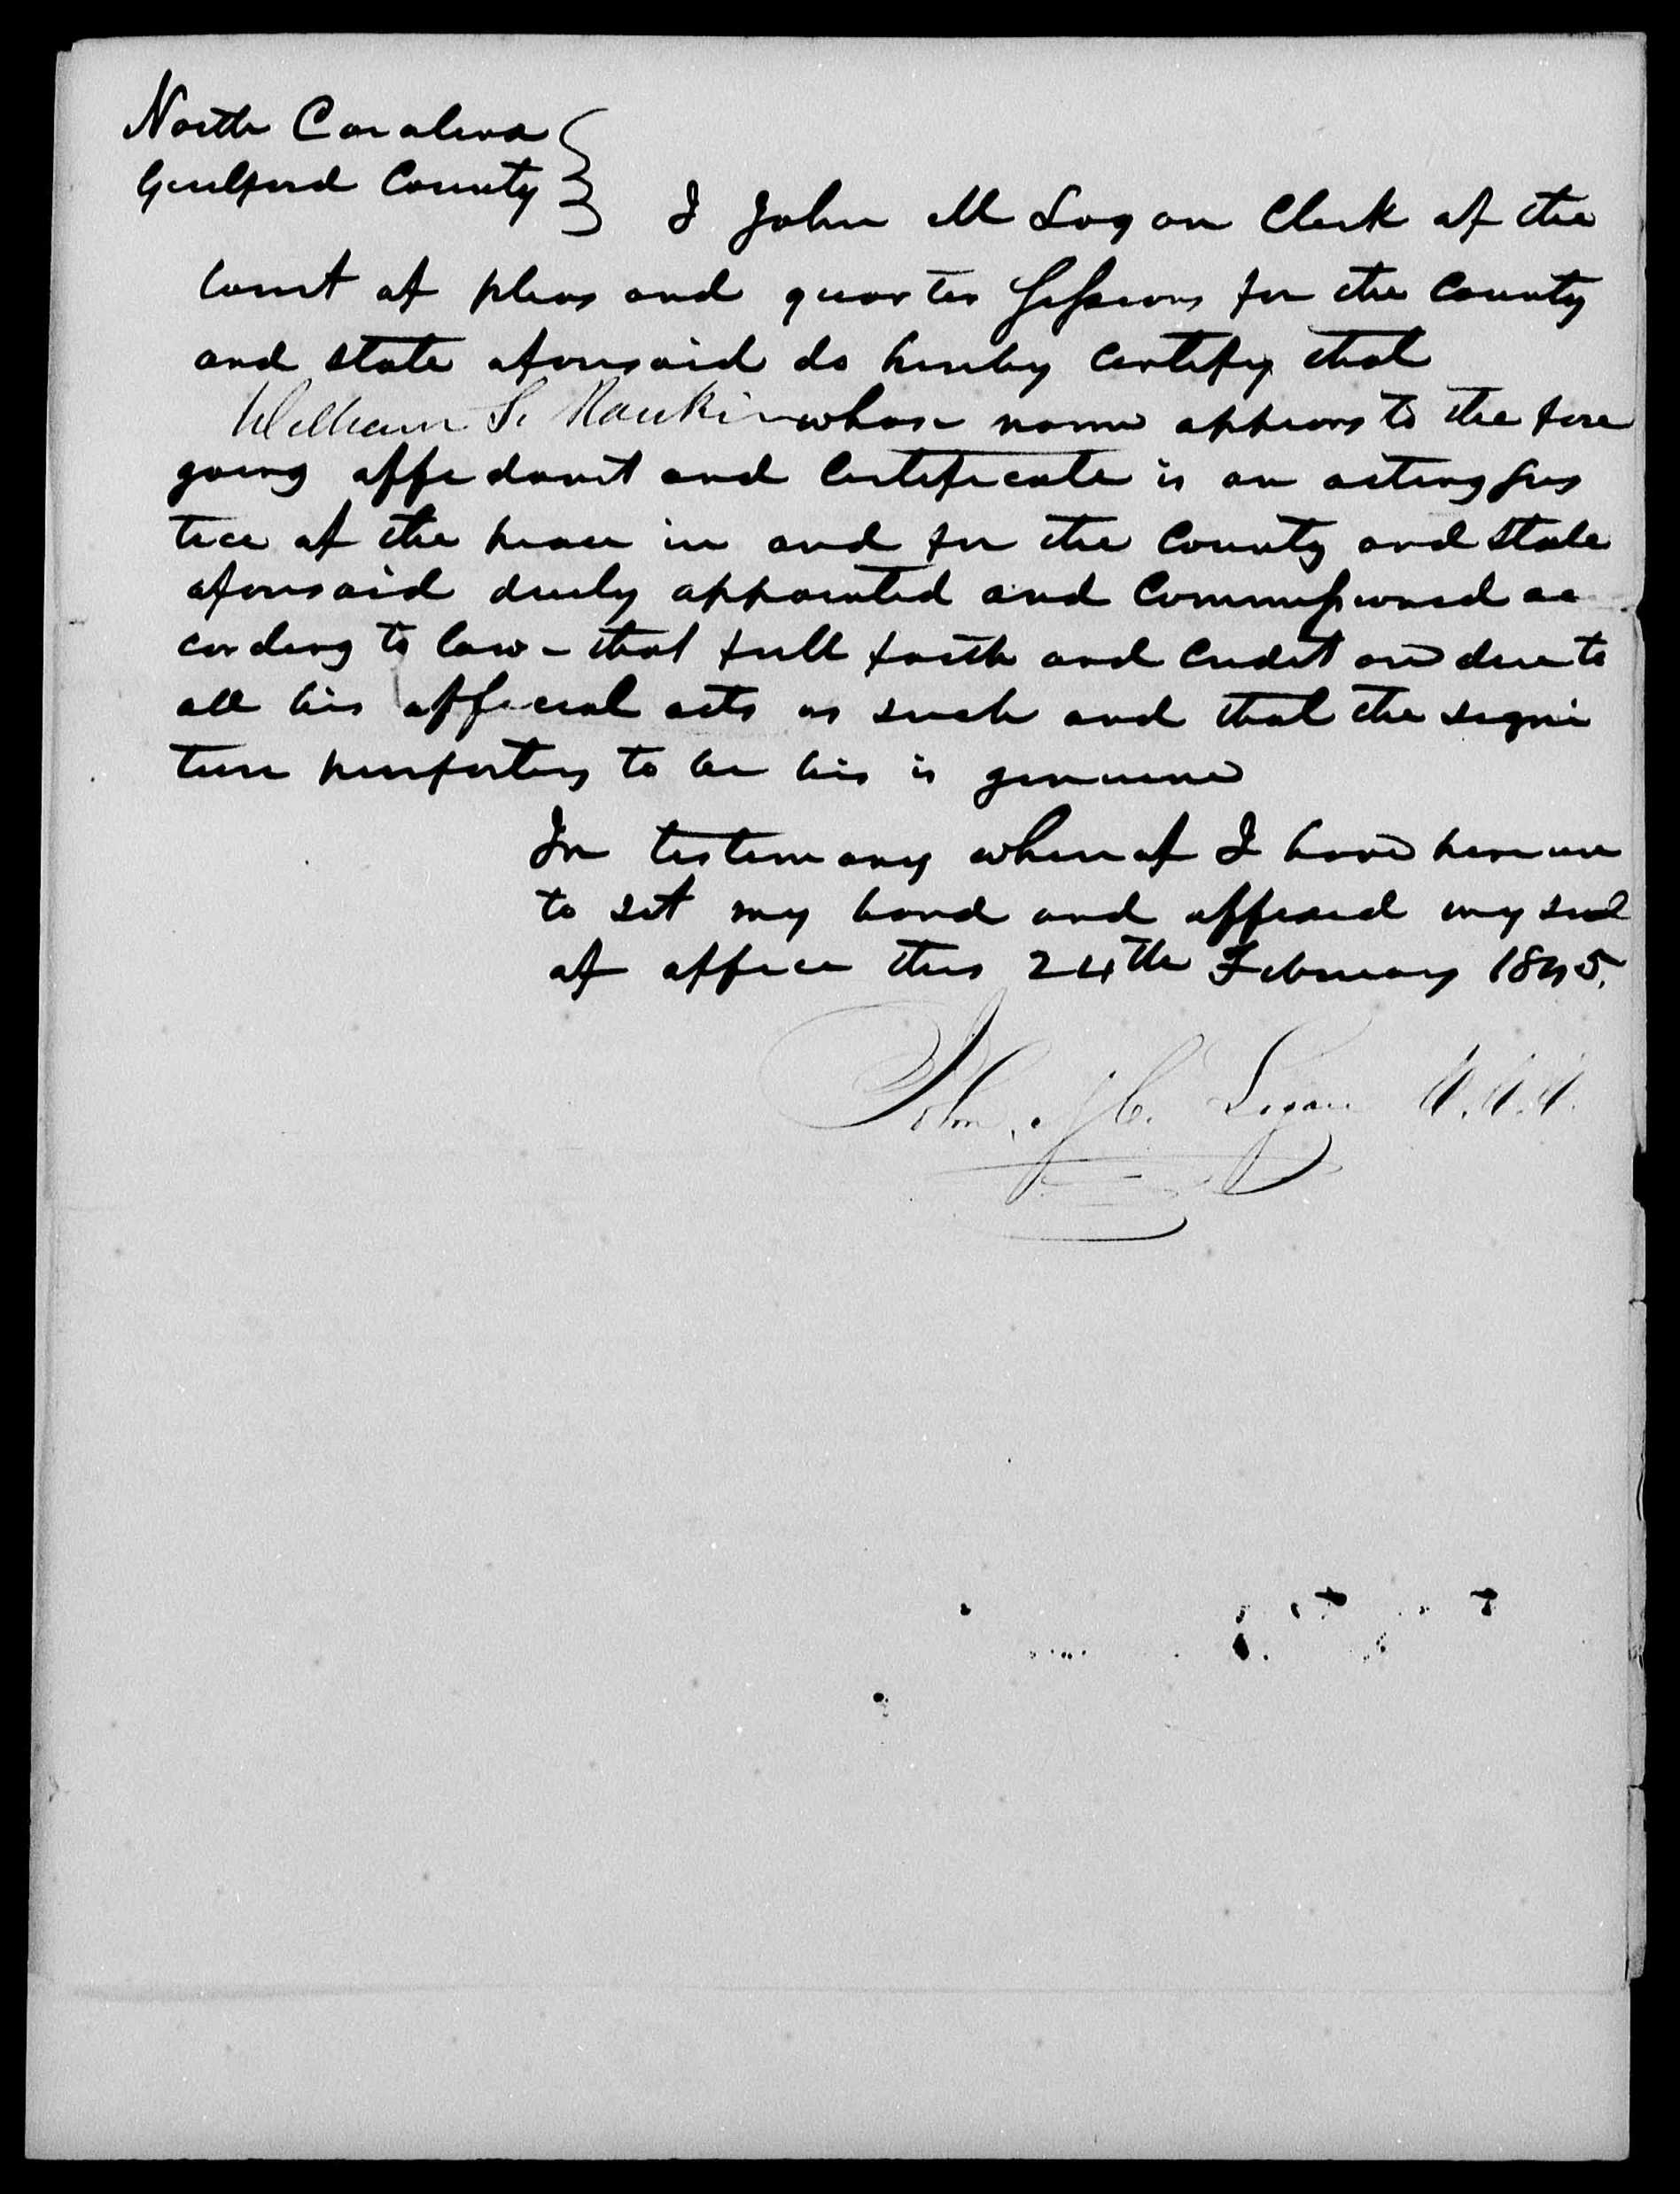[Handwritten record in dark ink]

North Carolina)
Guilford County)

I John M [or H] Logan Clerk of the Court of pleas and quarter Sessions for the County and state Aforesaid do hereby Certify that [here the following name is in light ink] William S. [or T. or J.] Rankin whose name appears to the foregoing affidavit and Certificate is an acting Justice of the peace in and for the County and State aforesaid duly appointed and Commissioned according to law - that full faith and credit are due to all his official acts as such and that the signature purporting to be his is genuine

In testimony whereof I have hereunto set my hand and affixed my seal of office this 24th February 1845.

[Very light signature with a flourish] John H. Logan C.C.C. [possibly meaning Clerk of County Court.]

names: John M Logan, William S Rankin, John M Logan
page: 99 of 145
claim: survivor's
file: S. 8265, William Cumming, N.C.